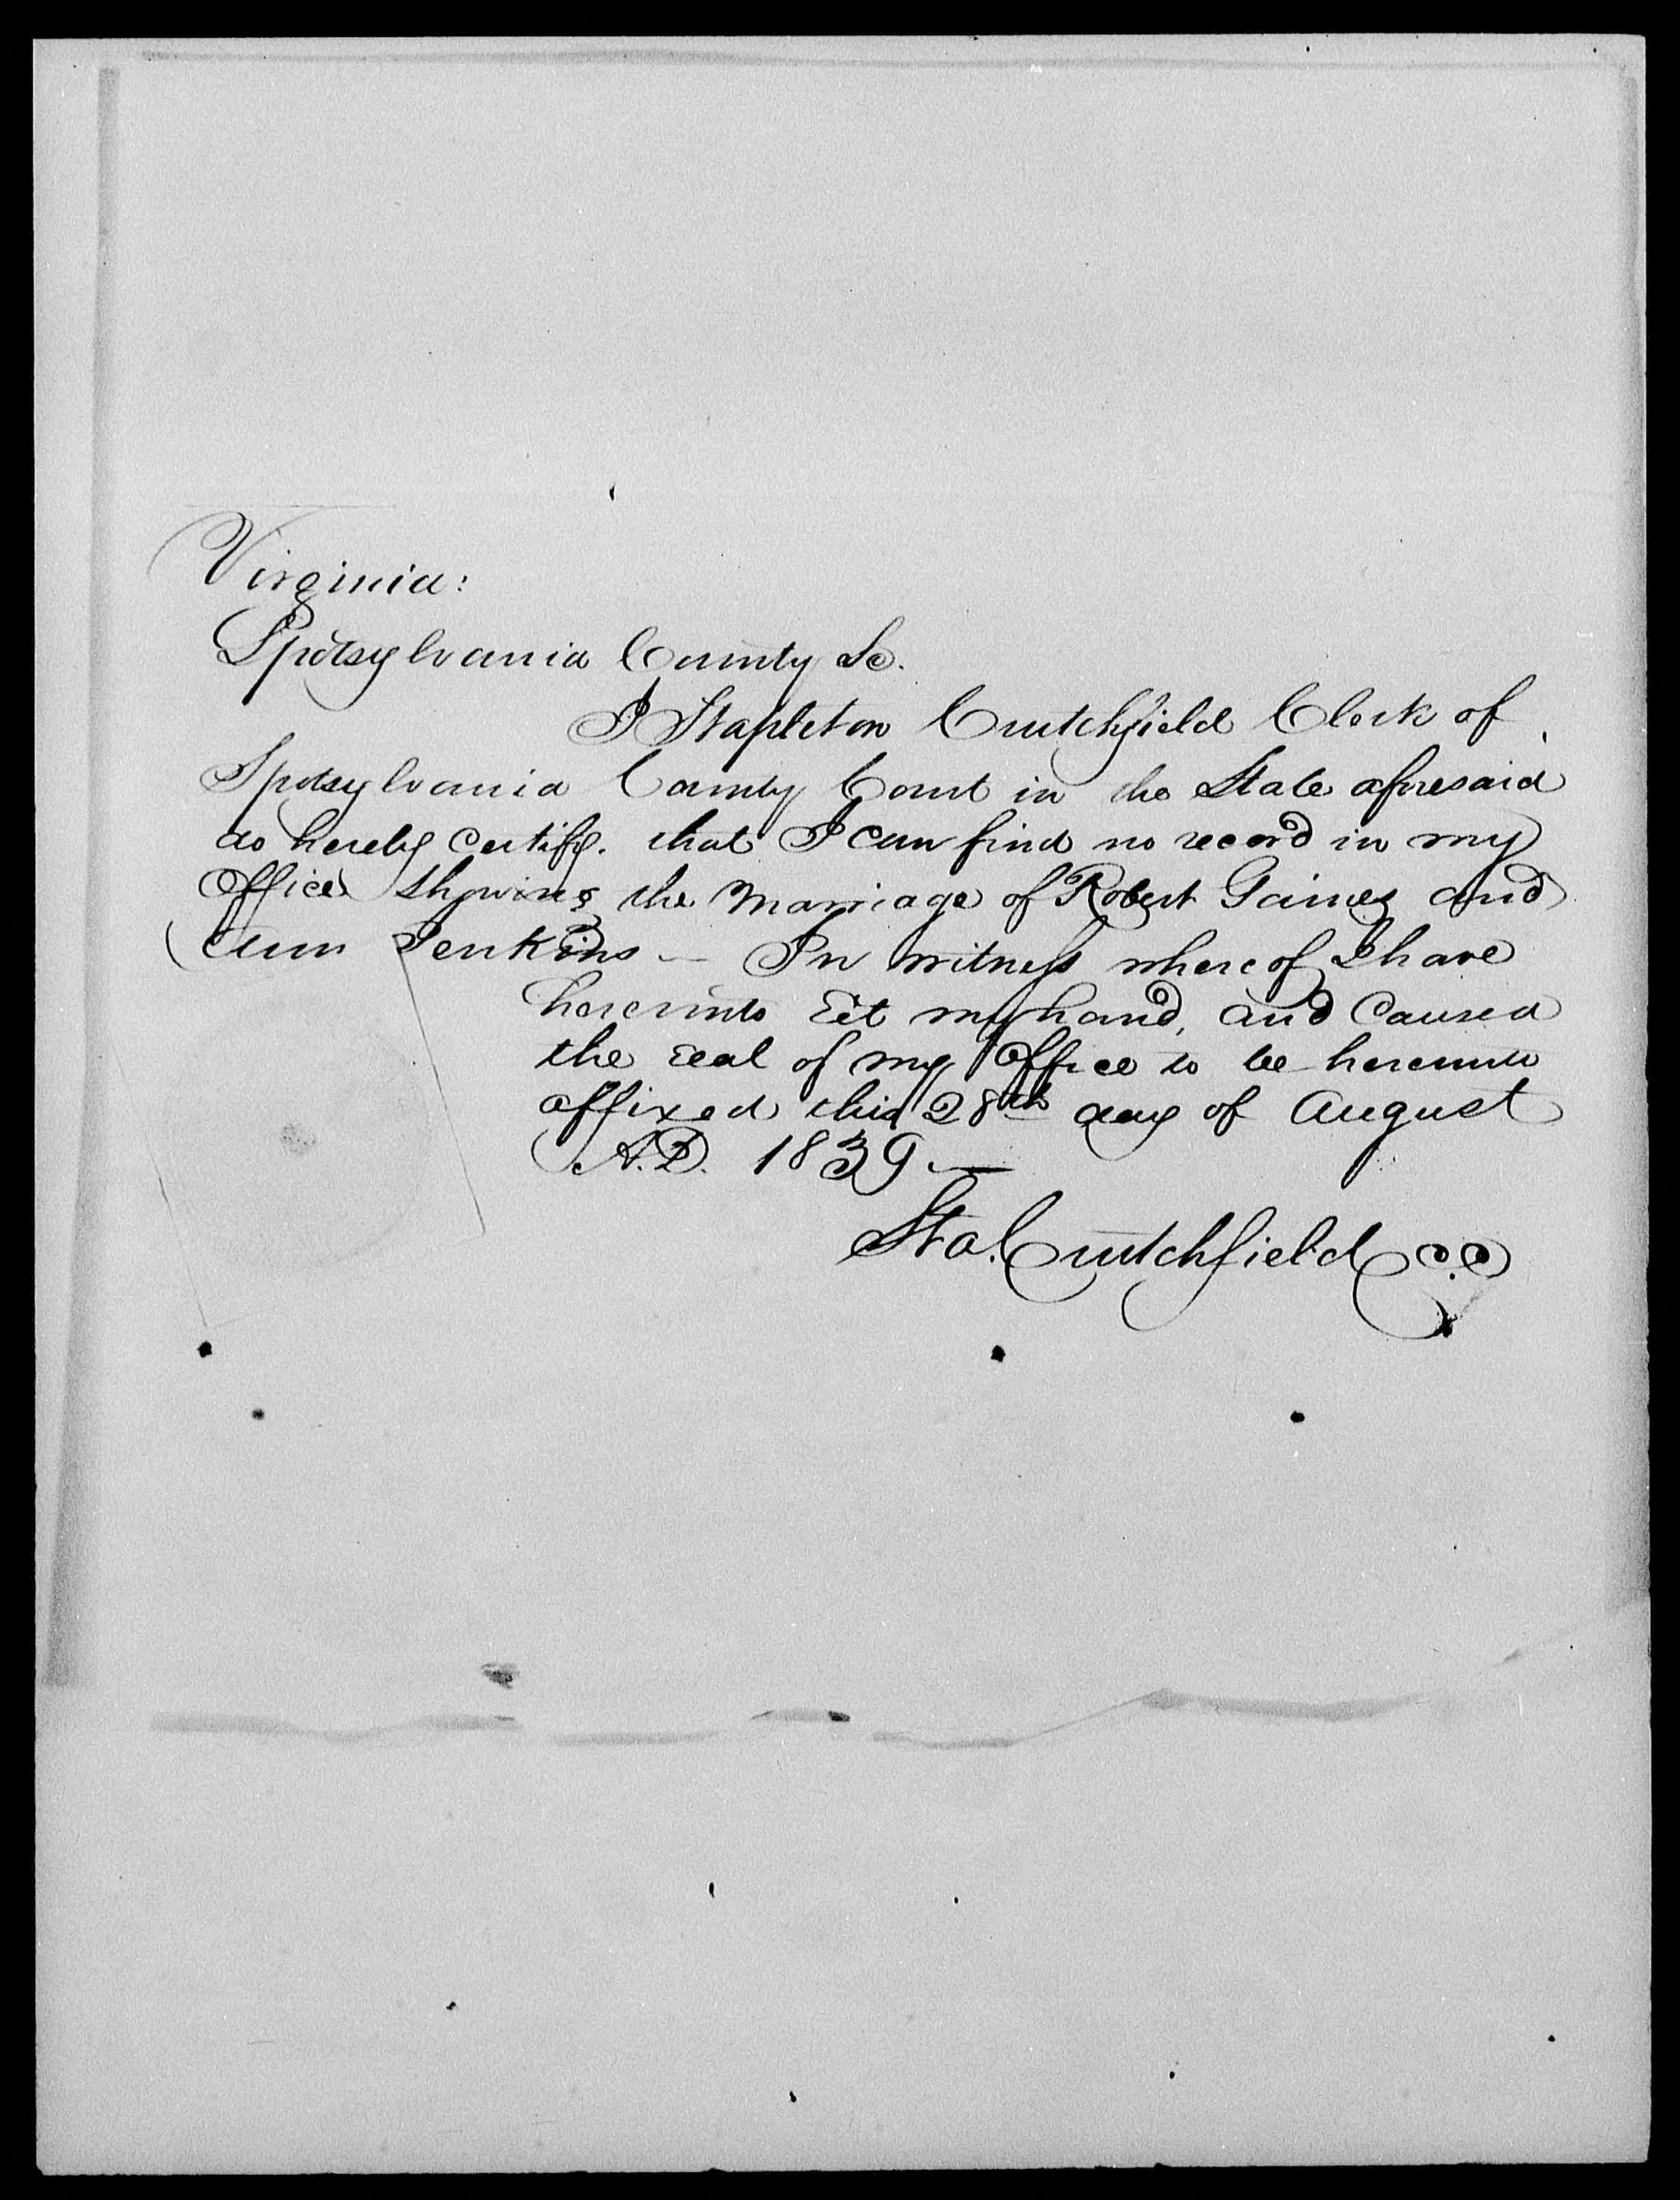Virginia:
Spotsylvania County Ss.
I Stapleton Crutchfield Clerk of
Spotsylvania County Court in the State aforesaid
do hereby certify. that I can find no record in my
Office showing the marriage of Robert Gaines and
Ann Perkins - In witness whereof I have
hereunto set my hand, and caused
the seal of my office to be hereunto
affixed this 28th day of August
A.D. 1839
Sta. Crutchfield C.C.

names: Ann Jenkins, Sta Curtchfield, Robert Gaines, Stapleton Curtchfield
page: 74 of 79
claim: rejected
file: R. 3863, Robert Gaines, Va.